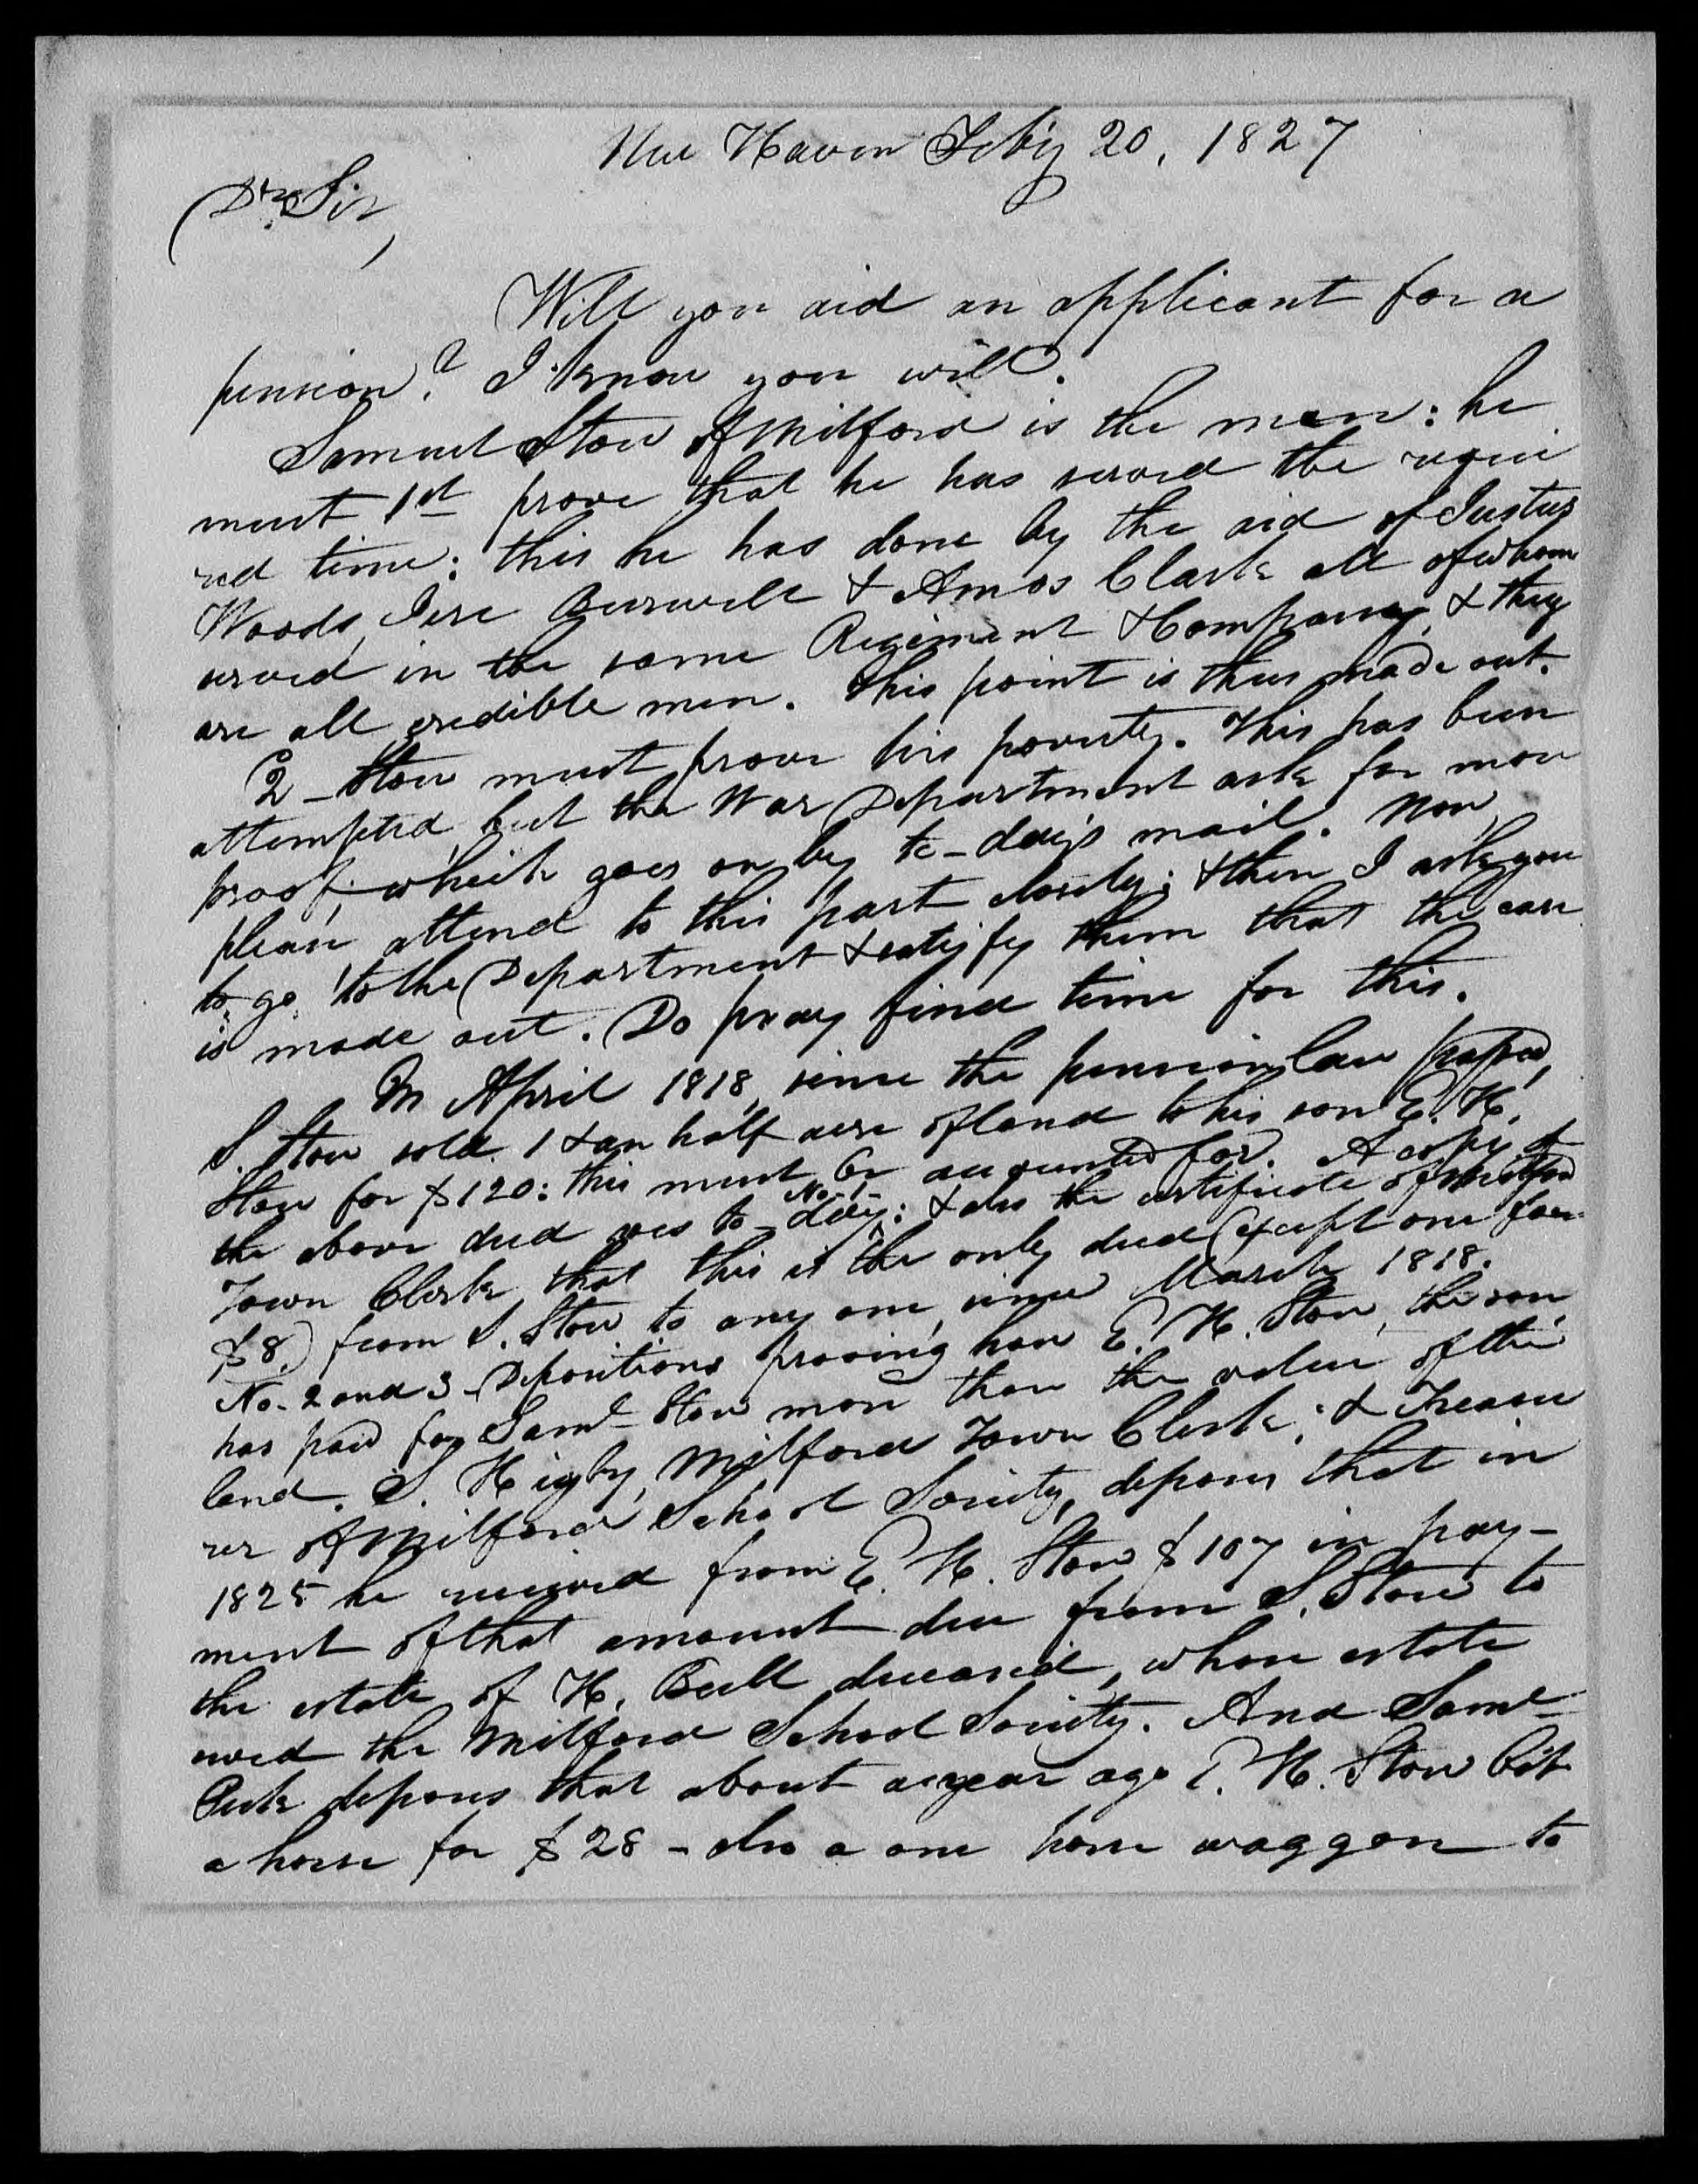New Haven Feby 20, 1827

Dr. Sir,

Will you aid an applicant for a pension?
I know you will.
Samuel Stow of Milford is the man: he must 
1st prove that he has served the required
time; this he has done by the aid of Justus
Woods, Jire Burwell & Amos Clark, all of whom
served in the same Regiment & Company & they are all credible men. This point is thus made out. 
2nd-  Stow must prove his poverty. This has been attempted, but the War Department ask for more proof which goes on by to-days mail.  Now, please attend to this part closely; & then I ask you to go to the Department & satisfy  them that the case is made out. Do pray find time for this.
In April 1818, since the pension law passed, S. Stow sold one & a half acre of land to his son, E.H. Stow for $120: this must be accounted for.
A copy of the above deed goes to-day (No.1-) & also the certificate of Milford Town Clerk; that this is the only deed (except one for $8)
from S. Stow to any one since March 1818.
No. 2 and 3 -  Depositions proving how E.H. Stow, the son, has paid for Saml Stow more than the value of the land.
S. Higby, Milford Town Clerk: & Treasurer of Milford School Society, deposes that in 1825 he received from E.H. Stow $107 in payment
of that amount due from S. Stow to the estate of H. Bull, deceased, whose estate owed the Milford School Society. And Saml Peck deposes 
that about a year ago E. H. Stow bought a
horse for $28- also a one horse waggon to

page: 16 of 42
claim: survivor's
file: S. 36,819, for Samuel Stow, Connecticut